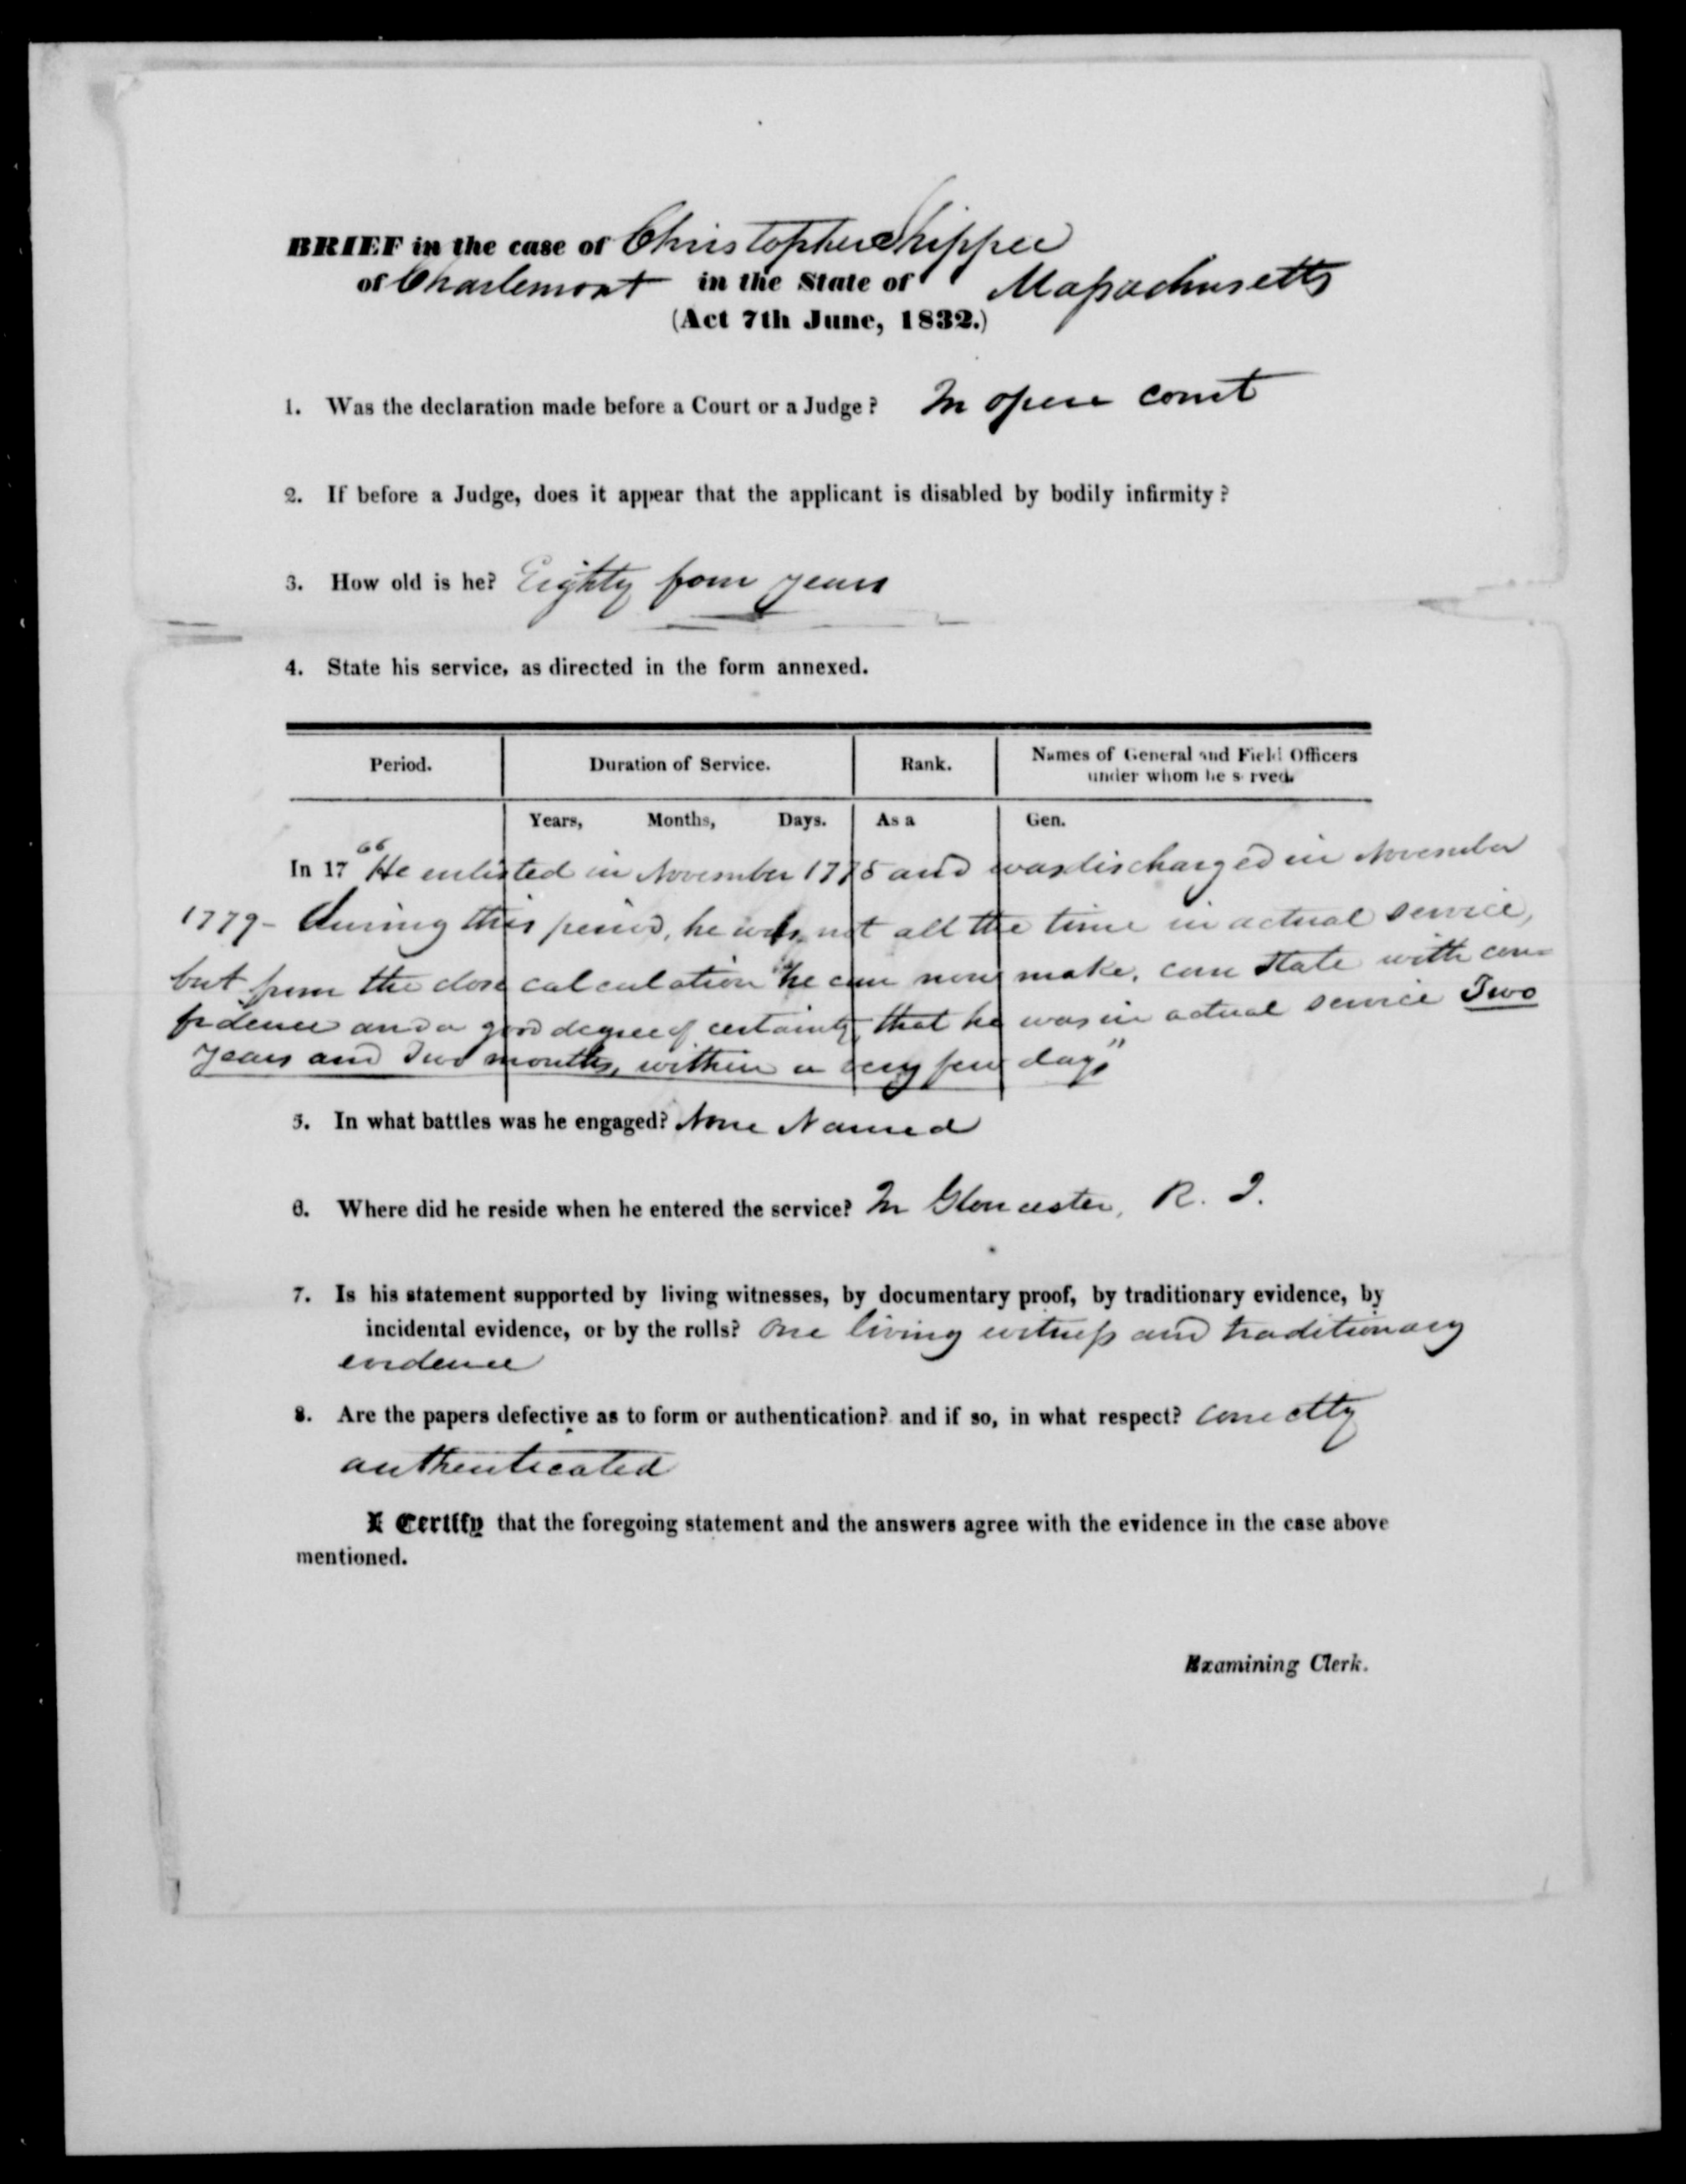BRIEF in the case of Christopher Shippee
of Charlemont in the State of Massachusetts
(Act 7th June, 1832.)
1. Was the declaration made before a Court or a Judge? In open Court
2. If before a Judge, does it appear that the applicant is disabled by bodily infirmity?
3. How old is he? Eighty four years
4. State his service, as directed in the form annexed.


"He enlisted in November 1775 and
was discharged in November 1779 - during this period, he was not all the time in actual service, but from the close calculation he can now make can state with confidence and a good degree of certainty that he was in actual service Two years and two months, within a very few days."

5. In what battles was he engaged? None named
6. Where did he reside when he entered the service? In Gloncester, R.I.
7. Is his statement supported by living witnesses, by documentary proof, by traditionary evidence, by
incidental evidence, or by the rolls? one living witness and traditionary evidence
8. Are the papers defective as to form or authentication? and if so, in what respect? Correctly authenticated
Certify that the foregoing statement and the answers agree with the evidence in the case above mentioned.
Examining Clerk.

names: Christopher Shippee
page: 4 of 20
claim: survivor's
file: S. 30,698, for Christopher Shippee, Rhode Island